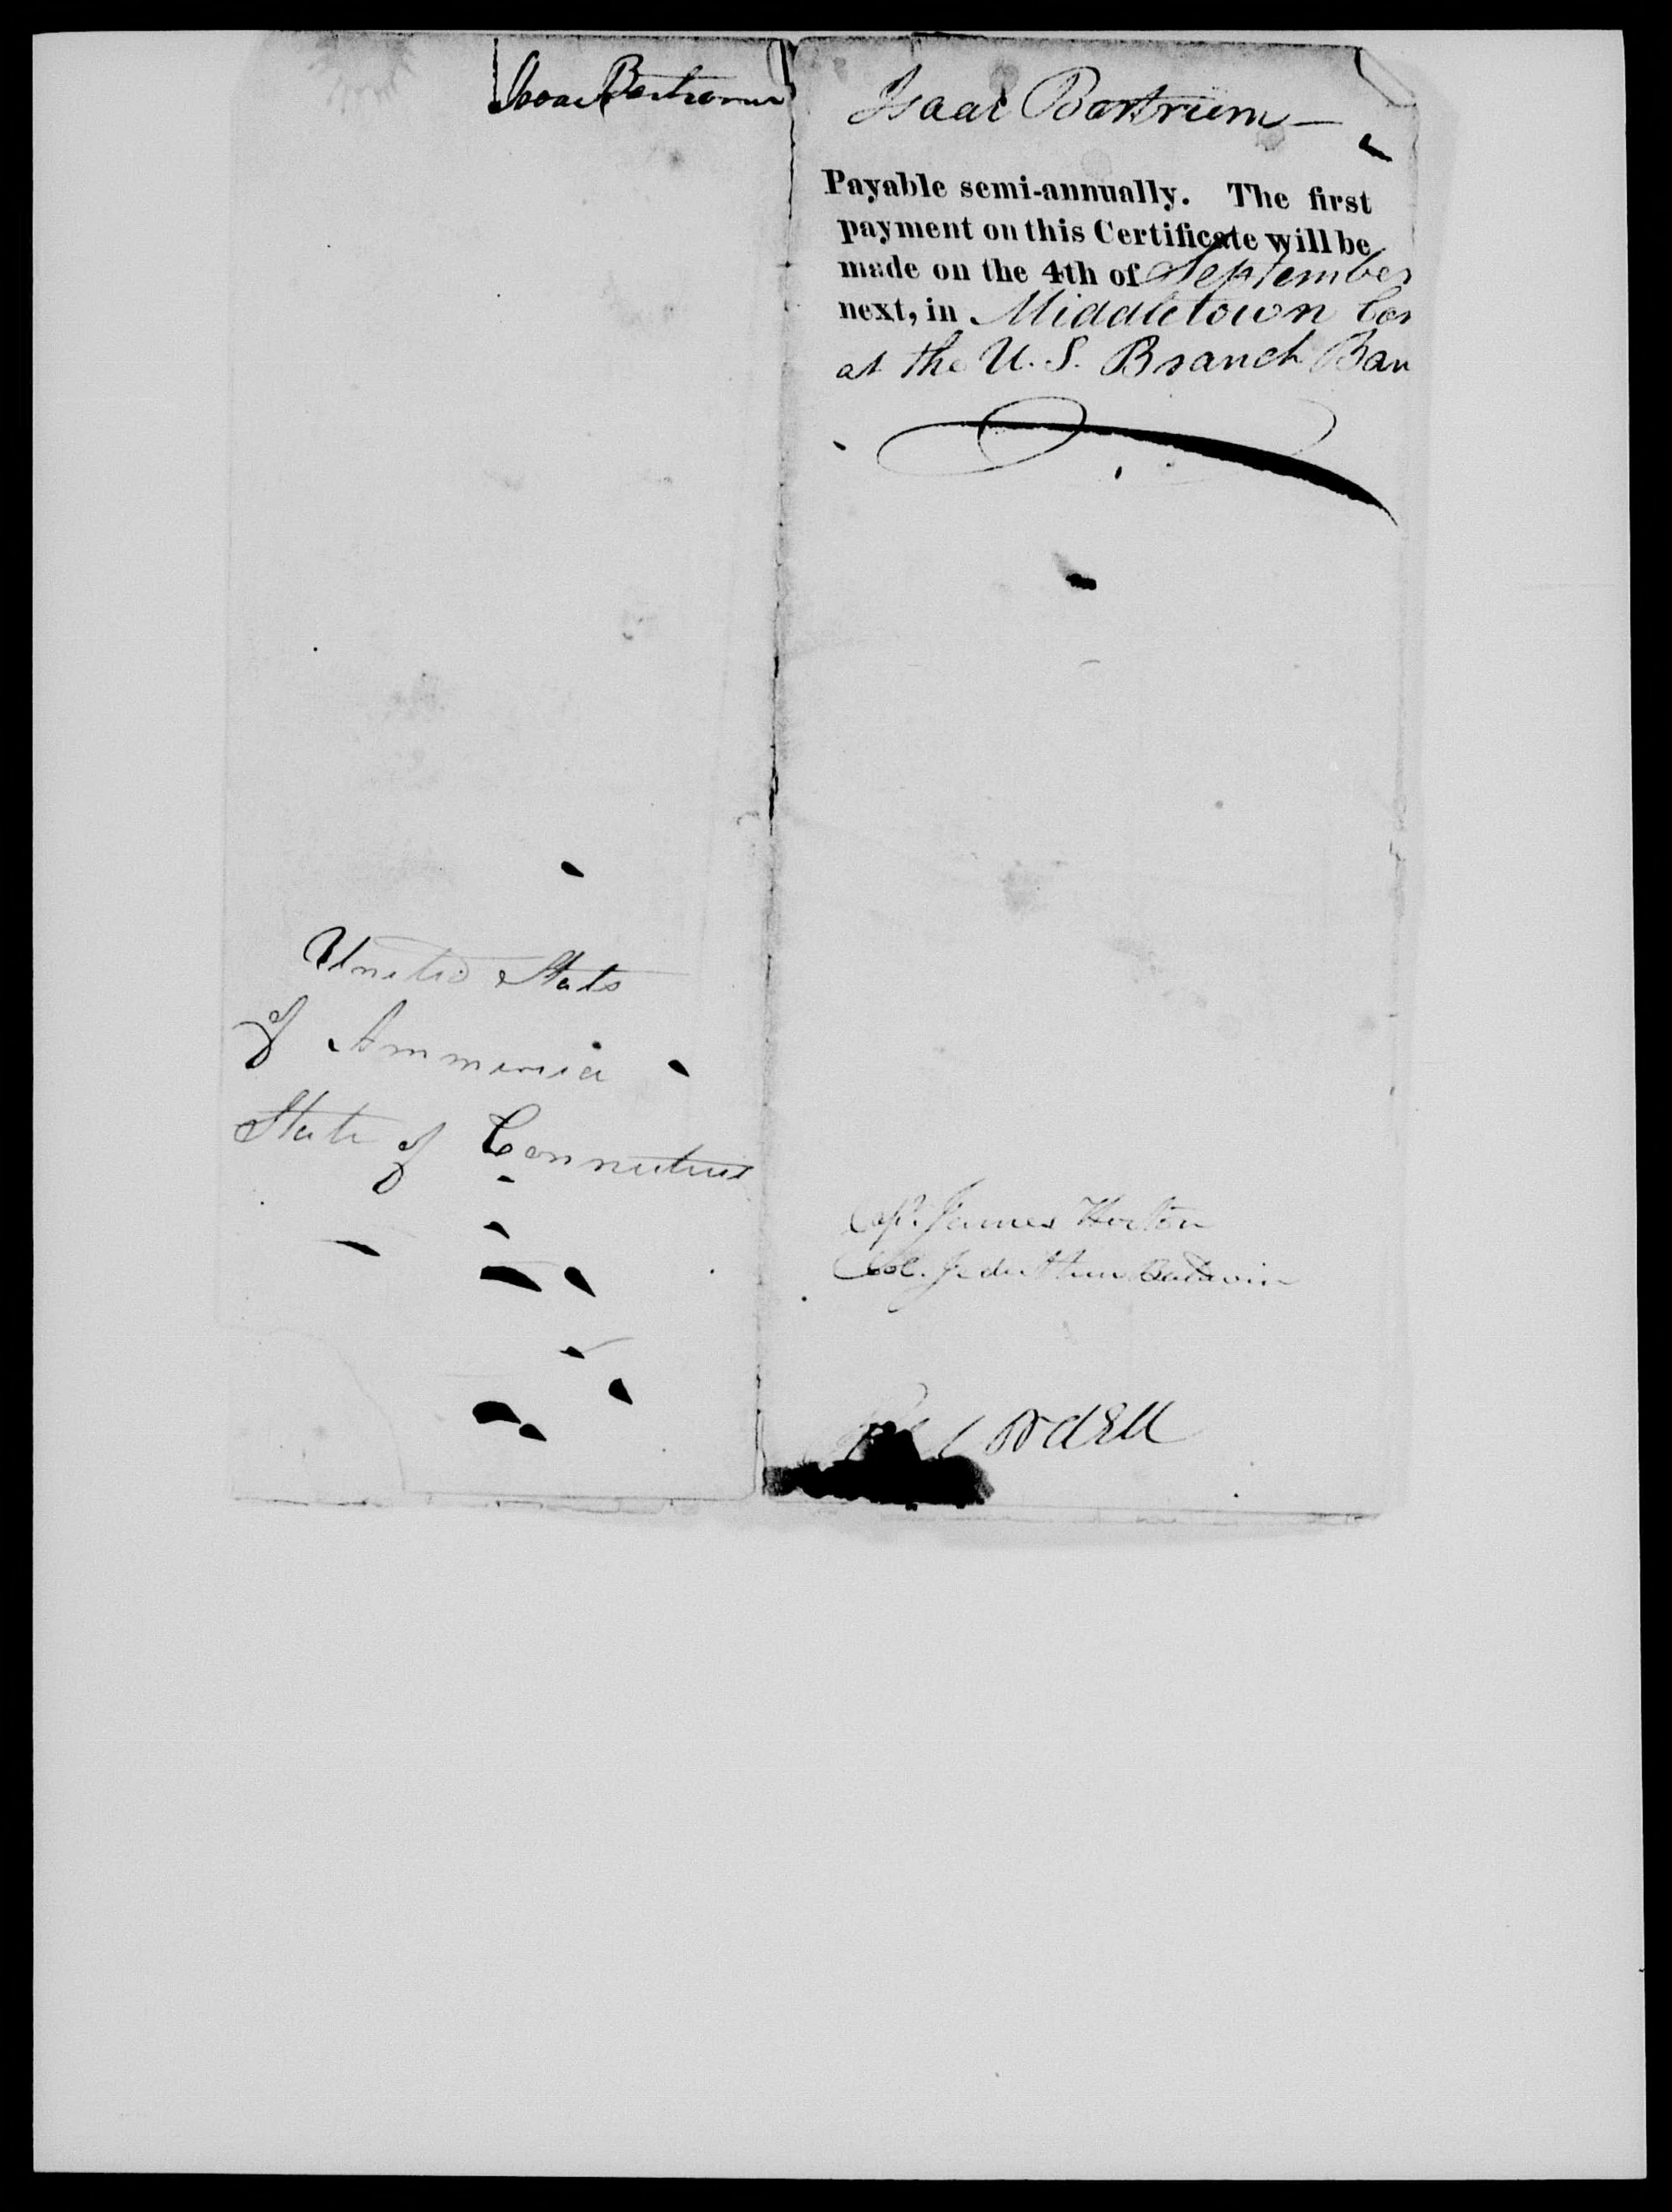Isaac Bartram

United State of
Ammerica
State of Connecticut

Isaac Bartrum

Payable semi-annually. The first
payment on this Certificate will be
made on the 4th of September
next in Middletown Con
at the U. S. Branch Ban

Capt James Horton
Col Jeduthen Baldwin
[illegible]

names: Isaac Bartrum, Isaac Bartram, James Horton, Jeduthon Baldwin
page: 29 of 39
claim: survivor's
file: S. 12110, Isaac Bartram, Continental (Conn)